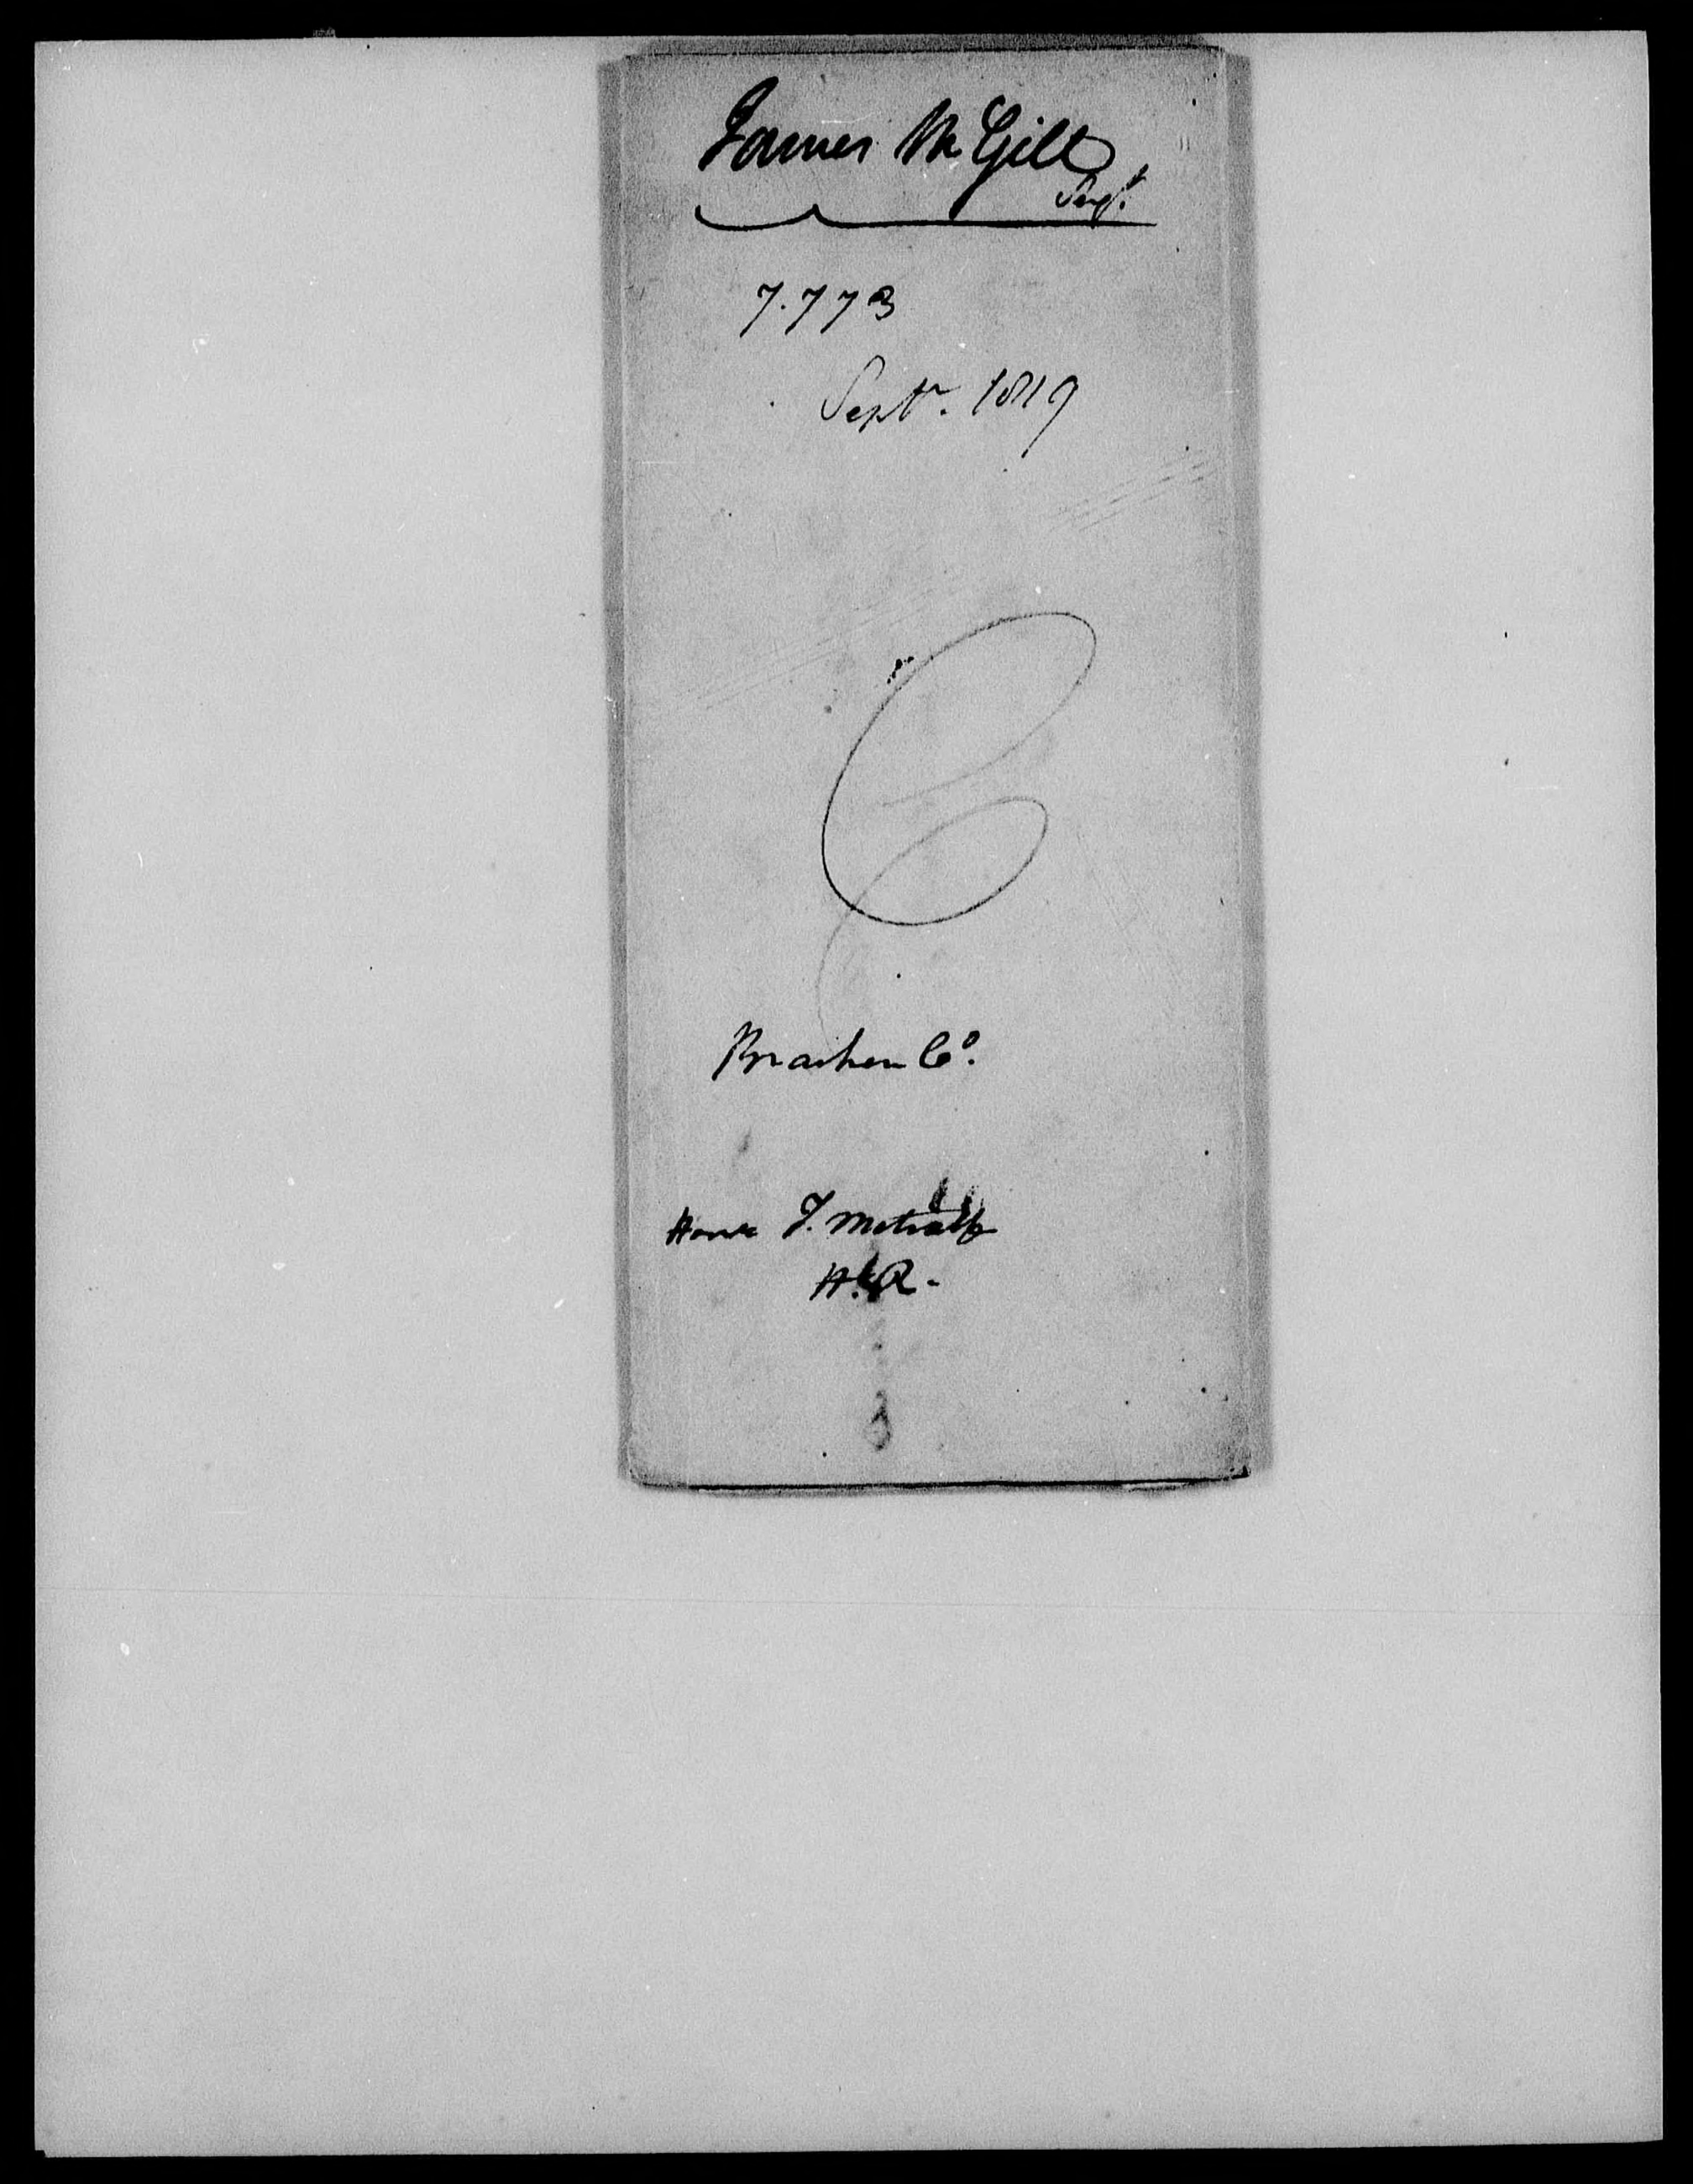image 63    (# 4160873_00063)         
Fold3 File #23857230 

[Cover]   James McGill, Sgt   7·773   Sep 1819   Bracken Co.  
Hon J. Metcalf   A.R.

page: 6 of 71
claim: widow's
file: W. 8428, for James Mc Gill, Pennsylvania